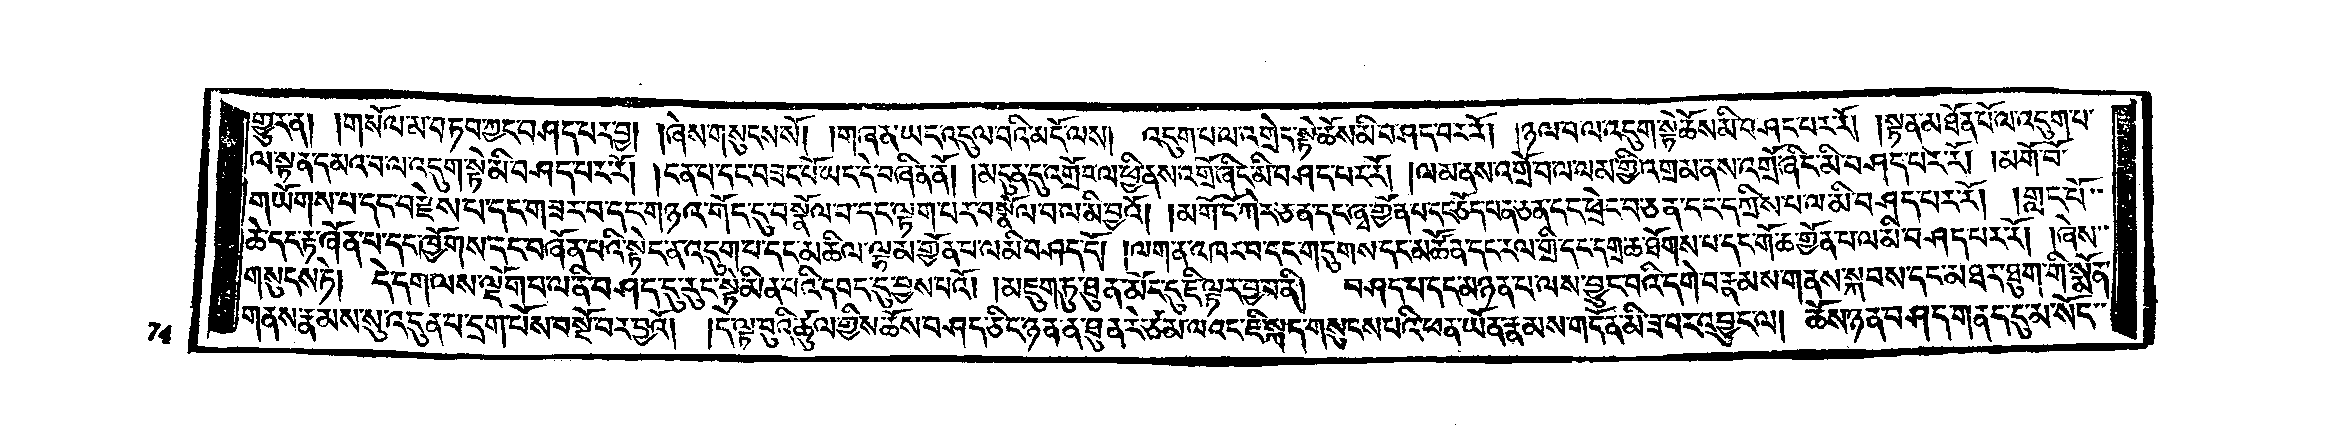གྱུར་ན། །གསོལ་མ་བཏབ་ཀྱང་བཤད་པར་བྱ། །ཞེས་གསུངས་སོ། །གཞན་ཡང་འདུལ་བའི་མདོ་ལས། འདུག་པ་ལ་འགྲེང་སྟེ་ཆོས་མི་བཤད་པར་རོ། །ཉལ་བ་ལ་འདུག་སྟེ་ཆོས་མི་བཤད་པར་རོ། །སྟན་མཐོན་པོ་ལ་འདུག་པ་
ལ་སྟན་དམའ་བ་ལ་འདུག་སྟེ་མི་བཤད་པར་རོ། །ངན་པ་དང་བཟང་པོ་ཡང་དེ་བཞིན་ནོ། །མདུན་དུ་འགྲོ་བ་ལ་ཕྱི་ནས་འགྲོ་ཞིང་མི་བཤད་པར་རོ། །ལམ་ནས་འགྲོལ་བ་ལ་ལམ་གྱི་འགྲམ་ནས་འགྲོ་ཞིང་མི་བཤད་པར་རོ། །མགོ་པོ་
གཡོགས་པ་དང་བརྫེས་པ་དང་གཟར་བ་དང་གཟར་བ་དང་གཉའ་གོང་དུ་བསྣོལ་བ་དང་ལྟག་པར་བསྣོལ་བ་ལ་མི་བྱའོ། །མགོ་དོ་ཀེར་ཅན་དང་ཞྭ་གྱོན་པ་དང་ཅོད་པན་ཅན་དང་ཕྲེང་བ་ཅན་དང་དཀྲིས་པ་ལ་མི་བཤད་པར་རོ། །གླང་པོ་
ཆེ་དང་རྟ་ཞོན་པ་དང་ཁྱོགས་དང་བཞོན་པའི་སྟེང་ན་འདུག་པ་དང་མཆིལ་ལྷམ་གྱོན་པ་ལ་མི་བཤད་དོ། །ལག་ན་འཁར་བ་དང་གདུགས་དང་མཚོན་དང་རལ་གྲི་དང་དགྲ་ཆ་ཐོགས་པ་དང་གོ་ཆ་གྱོན་པ་ལ་མི་བཤད་པར་རོ། །ཞེས་
གསུངས་ཏེ། དེ་དག་ལས་ལྡོག་པ་ལ་ནི་བཤད་དུ་རུང་སྟེ་མིན་པའི་དབང་དུ་བྱས་པའོ། །མཇུག་ཏུ་ཐུན་མོང་དུ་ཇི་ལྟར་བྱ་བ་ནི། བཤད་པ་དང་མཉན་པ་ལས་བྱུང་བའི་དགེ་བ་རྣམས་གནས་སྐབས་དང་མཐར་ཐུག་གི་སྨོན་
གནས་རྣམས་སུ་འདུན་པ་དྲག་པོས་བསྔོ་བར་བྱའོ། །དེ་ལྟ་བུའི་ཚུལ་གྱིས་ཆོས་བཤད་ཅིང་ཉན་ན་ཐུན་རེ་ཙམ་ལའང་ཇི་སྐད་གསུངས་པའི་ཕན་ཡོད་རྣམས་གདོན་མི་ཟ་བར་འབྱུང་ལ། ཆོས་ཉན་བཤད་གནད་དུ་མ་སོང་